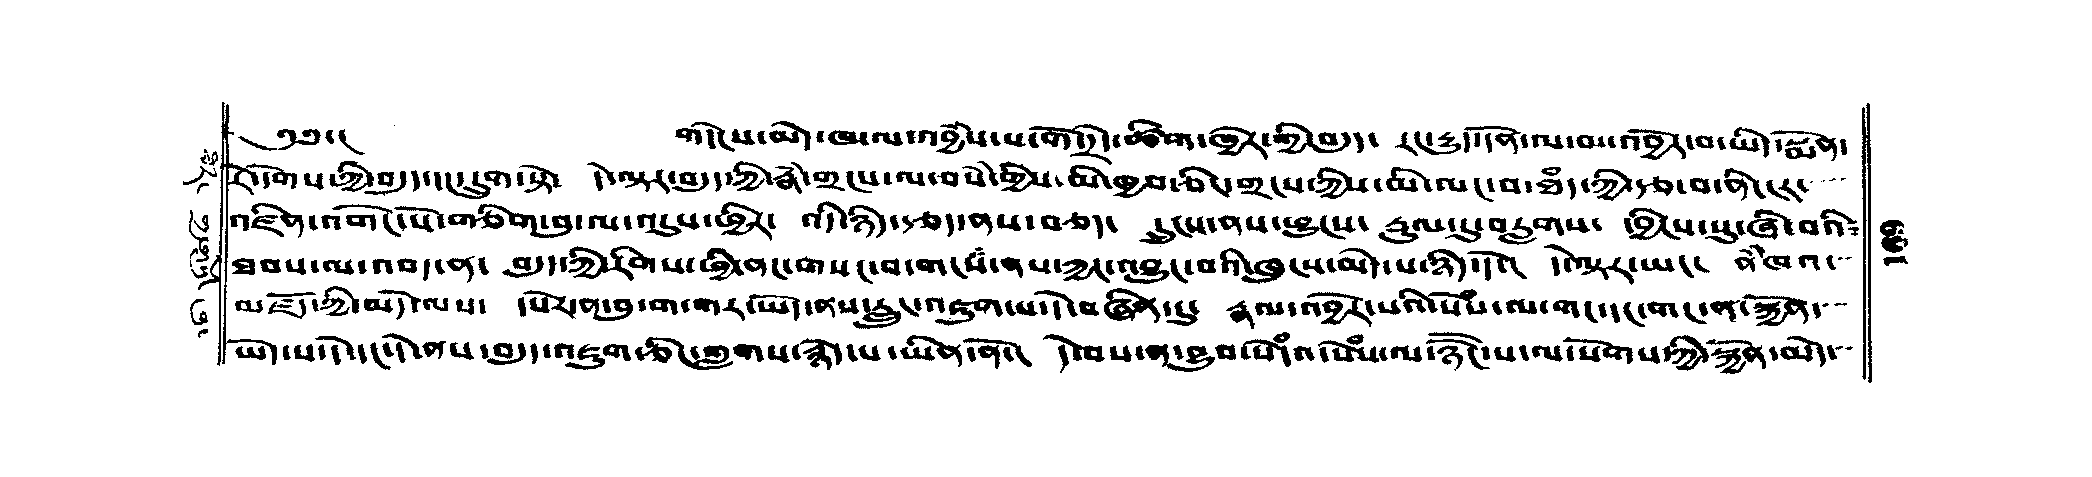གདེངསཔམེདཔཁཔལཔའབྱམསཔ་པགོཔདྲེདཔཚིགཔཁྱེརཔགྱིཔབདུད། རངཔརྒྱུདཔདོནཔལཔམཔའབྱོརཔབཔཡིདཔསྨོན
རེཔདོགསཔཀྱིཔབདུདཔདངཔདྲུགཔསྟེ། དེཔལྟརཔབདུདཔཀྱིཔརྣམཔགྲངསཔལཔབསམཔགྱིསཔམིཔཁྱབཔཅིངཔགྲངསཔཀྱིསཔམིཔལངཔབཔཐམསཔཅདཔཀྱིཔརྩཔབཔནིཔདར
པཔའཛིནཔའགོངཔ་ོཔགཅིགཔ་ུཔལཔའདུསཔཕྱིར། འདིཔཉིདཔརྩདཔནསཔབཅད། དྲུངསཔནསཔཕྱུངས། རྡུལཔདུཔབརླགས། དབྱིངསཔསུཔཞིཔབའི
ཐབསཔལཔའབདཔན། བདུདཔཀྱིཔརིགསཔཕྱིཔནངཔགསངཔབཔགངཔནསཔཀྱངཔའབྱུངཔབའིཔཁུངསཔམེདཔ་པཉིདཔདོ། དེཔལྟརཔཡངཔ། ནམཔམཁའ
མཛོདཔཀྱིཔམདོཔལས། ད་ེརཔནཔབུཔགཔགརཔཡོདཔནསཔརླུངཔའཇུགཔ་པདེཔབཞིནཔདུ། རྣལཔའབྱོརཔ་འིཔསེམསཔལཔགངཔདངཔགངཔནཔོན་
ཡོདཔ་པདེཔདངཔདེཔནསཔབདུདཔའཇུགཔཅིངཔགླགསཔརྙེདཔ་པཡིནཔནོ། དེཔབསཔནཔབྱངཔཆུབཔསེམསཔད་འཔལཔཉོནཔམོངསཔ་པལཔསོགསཔཀྱིཔོནཔམེདཔ